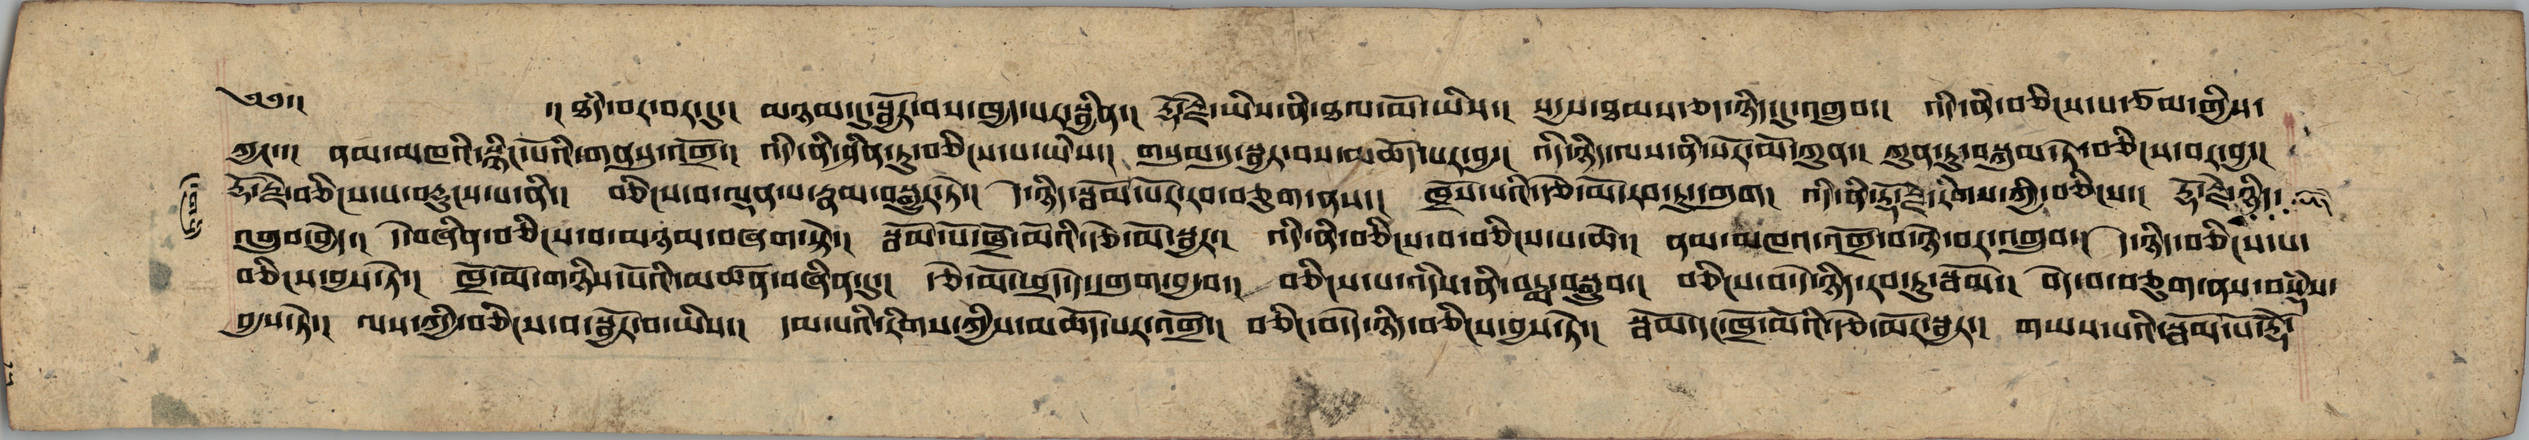༄༅་། ་།ཐདཾ་བར་བར་དུ་། མཉམ་དུ་སྦྱོར་བས་ཁྱད་པར་སྦྱིན་། རྡོ་རྗེ་ཡིས་ནི་ཐལ་མོ་ཡིས་། སདྱས་ཐམས་ཅད་ཉིད་དུ་འགྲུབ་། འདི་ནི་བཅིངས་པ་ཙམ་གྱིས་
ཀྱང་་། ནམ་མཁའི་སྙིང་པོའི་གནསུ་འགྲོ་། འདི་ནི་ཤིན་ཏུ་བཅིངས་པ་ཡིས་། གསུམ་དུ་སྦྱར་བས་མཆོད་པར་བྱ་། འདི་ཉིད་ལས་ནི་སོར་མོ་ཀུན་། ཀུན་ཏུ་བསྐུམ་ཏེ་བཅིངས་བར་བྱ་།
རྡོ་རྗེ་བཅིངས་པ་བརྡུངས་པ་ནི་། བཅིངས་བ་ལྡན་པ་རྣམ་བསྒྱུར་ཏེ་། དེ་ཉིད་སྦོམ་པོར་རབ་བཅུག་ནས་། ཁྲོས་པའི་རྩེ་མོ་རབ་ཏུ་དགུག། འདི་ནི་རྡོ་རྗེ་རིགས་ཀྱི་བཅིངས་། རྡོ་རྗེ་ཉིད་ཡིད་
འགྲུབ་བྱེད་། དེ་བཞིན་བཅིངས་པ་མཉམ་བཞག་སྟེ་། སྦོམ་པོ་ཁྲོ་མོའི་རྩེ་མོ་སྦྱར་། འདི་ནི་བཅིངས་པ་བཅིངས་པ་ཆེ་། ནམ་མཁའ་འགྲོ་བ་ཉེ་བར་འགྲུབ་། དེ་ཉིད་བཅིངས་པ་
བཅིངས་བྱས་ཏེ་། ཁྲོ་མོ་གཉིས་པོའི་མཚན་བཞིན་དུ་། རྩེ་མོ་ཕྲད་དེ་དགུག་བྱ་བ་། བཅིངས་པ་འདིས་ནི་པདྨ་བསྒྲུབ་། བཅིངས་པ་དེ་ཉིད་རབ་ཏུ་སྦོམ་། བདེ་བ་བཅུག་ནས་བསྡཾས་
བྱས་ཏེ་། ལས་ཀྱི་བཅིངས་བ་སྦྱོར་བ་ཡིས་། དམ་པའི་རིགས་ཀྱིས་མཆོད་པར་འགྲོ་། བཅིང་བ་དེ་ཉིད་བཅིངས་བྱས་ཏེ་། སྦོམ་དང་ཁྲོ་མོའི་རྩེ་མོར་སྦྱར་། གཡས་པའི་སྦོམ་པོ་རྡོེ་